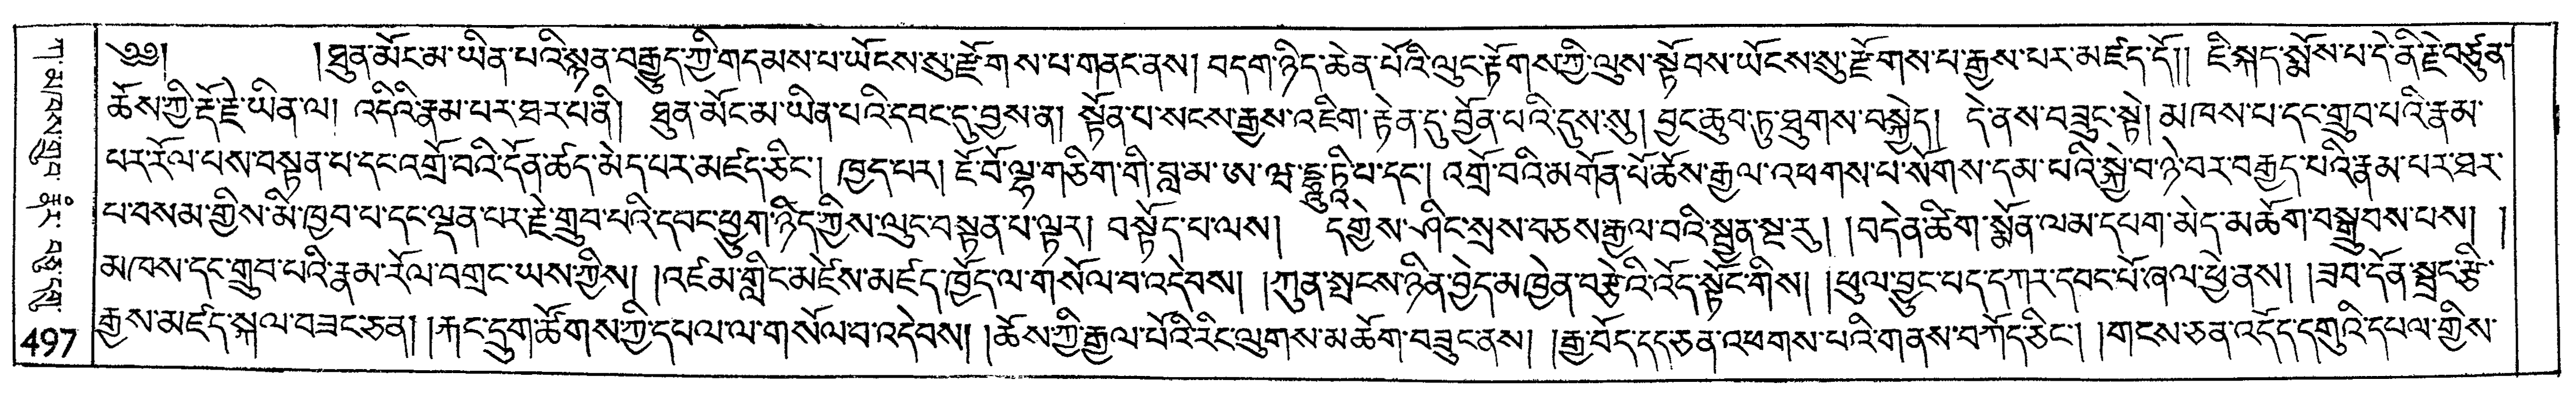༄༅། །ཐུན་མོང་མ་ཡིན་པའི་སྙན་བརྒྱུད་ཀྱི་གདམས་པ་ཡོངས་སུ་རྫོགས་པ་གནང་ནས། བདག་ཉིད་ཆེན་པོའི་ལུང་རྟོགས་ཀྱི་ལུས་སྟོབས་ཡོངས་སུ་རྫོགས་པ་རྒྱས་པར་མཛད་དོ། །ཇི་སྐད་སྨོས་པ་དེ་ནི་རྗེ་བཙུན་
ཆོས་ཀྱི་རྡོ་རྗེ་ཡིན་ལ། འདིའི་རྣམ་པར་ཐར་པ་ནི། ཐུན་མོང་མ་ཡིན་པའི་དབང་དུ་བྱས་ན། སྟོན་པ་སངས་རྒྱས་འཇིག་རྟེན་དུ་བྱོན་པའི་དུས་སུ། བྱང་ཆུབ་ཏུ་ཐུགས་བསྐྱེད། དེ་ནས་བཟུང་སྟེ། མཁས་པ་དང་གྲུབ་པའི་རྣམ་
པར་རོལ་པས་བསྟན་པ་དང་འགྲོ་བའི་དོན་ཚད་མེད་པར་མཛད་ཅིང་། ཁྱད་པར། ཇོ་བོ་ལྷ་གཅིག་གི་བླ་མ་ཨ་ཝ་དྷཱུ་ཏཱི་པ་དང་། འགྲོ་བའི་མགོན་པོ་ཆོས་རྒྱལ་འཕགས་པ་སོགས་དམ་པའི་སྐྱེ་བ་ཉེ་བར་བརྒྱད་པའི་རྣམ་པར་ཐར་
པ་བསམ་གྱིས་མི་ཁྱབ་པ་དང་ལྡན་པར་རྗེ་གྲུབ་པའི་དབང་ཕྱུག་ཉིད་ཀྱིས་ལུང་བསྟན་པ་ལྟར། བསྟོད་པ་ལས། དགྱེས་ཤིང་སྲས་བཅས་རྒྱལ་བའི་སྦྱན་སྔ་རུ། །བདེན་ཚིག་སྨོན་ལམ་དཔག་མེད་མཆོག་བསྒྲུབས་པས། །
མཁས་དང་གྲུབ་པའི་རྣམ་རོལ་བགྲང་ཡས་ཀྱིས། །འཛམ་གླིང་མཛེས་མཛད་ཁྱོད་ལ་གསོལ་བ་འདེབས། །ཀུན་སྤངས་ཉིན་བྱེད་མཁྱེན་བརྩེའི་འོད་སྟོང་གིས། །ཕུལ་བྱུང་པད་དཀར་དབང་པོ་ཞལ་ཕྱེ་ནས། །ཟབ་དོན་སྦྲང་རྩི་
རྒྱས་མཛད་སྐལ་བཟང་ཅན། །རྐང་དྲུག་ཚོགས་ཀྱི་དཔལ་ལ་གསོལ་བ་འདེབས། །ཆོས་ཀྱི་རྒྱལ་པོའི་རིང་ལུགས་མཆོག་བཟུང་ནས། །རྒྱ་བོད་དད་ཅན་འཕགས་པའི་གནས་བཀོད་ཅིང་། །གངས་ཅན་འདོད་དགུའི་དཔལ་གྱིས་